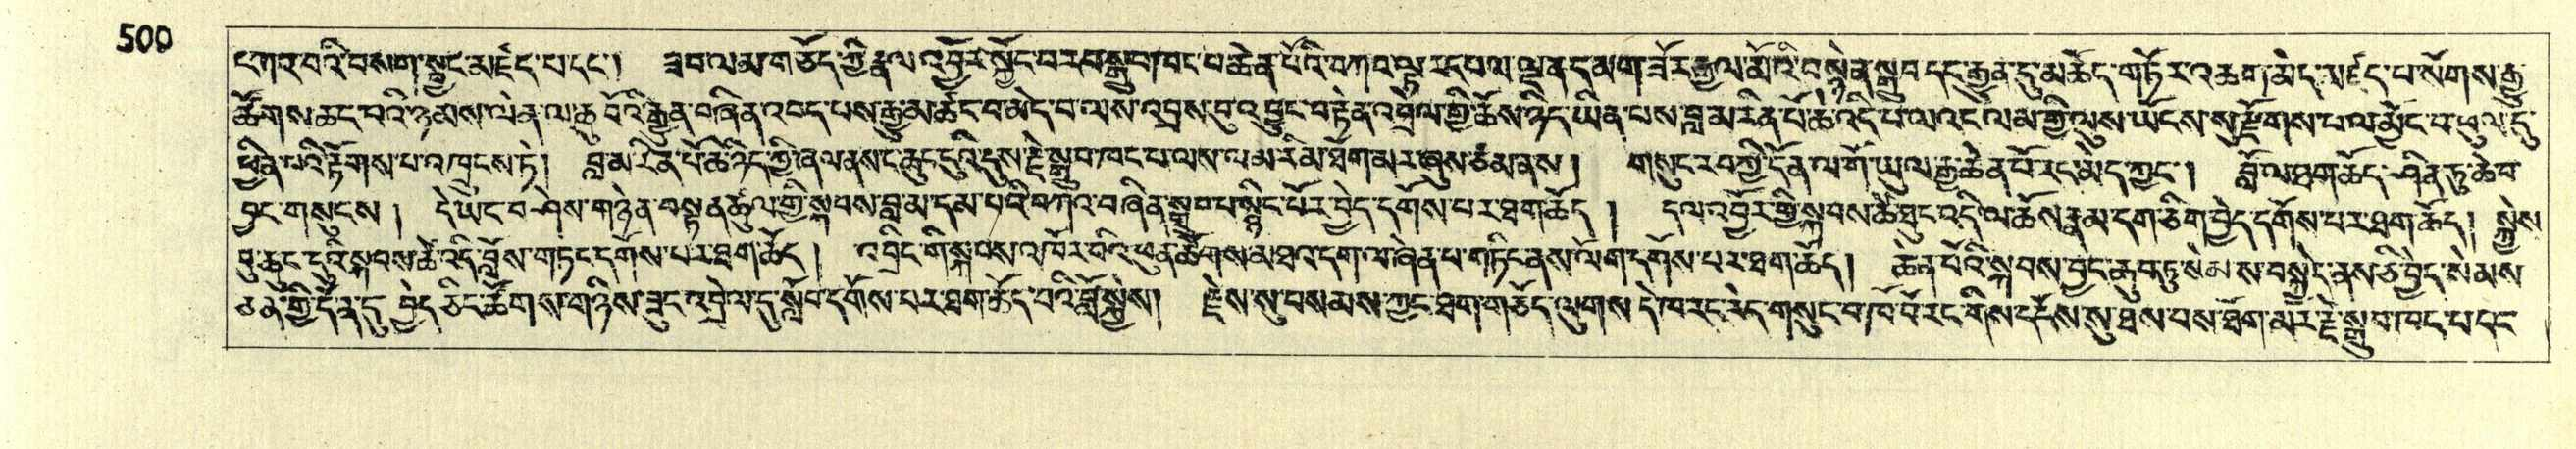དཀའ་བའི་བསག་སྦྱང་མཛད་པ་དང་། ཟབ་ལམ་གཅོད་ཀྱི་རྣལ་འབྱོར་སྐྱོད་བར་བ་སྒྲུབ་ཁང་པ་ཆེན་པོའི་བཀའ་ལྟར་དཔལ་ལྡན་དམག་ཟོར་རྒྱལ་མོའི་བསྙེན་སྒྲུབ་དང་རྒྱུན་དུ་མཆོད་གཏོར་འཆག་མེད་མཛད་པ་སོགས་རྒྱུ་
ཚོགས་ཆད་པའི་ཉམས་ལེན་ལ་ཆུ་བོའི་རྒྱུན་བཞིན་འབད་པས་རྒྱུ་མཚང་བ་མེད་བ་ལས་འབྲས་བུ་འབྱུང་བརྟེན་འབྲེལ་གྱི་ཆོས་ཉིད་ཡིན་པས་བླ་མ་རིན་པོ་ཆེ་འདི་པ་ལའང་ལམ་གྱི་ལུས་ཡོངས་སུ་རྫོགས་པ་ལ་མྱོང་བ་ཕུལ་དུ་
ཕྱིན་པའི་རྟོགས་པ་འཁྲུངས་ཏེ། བླ་མ་རིན་པོ་ཆེ་ཉིད་ཀྱི་ཞལ་ནས་ང་ཆུང་དུའི་དུས་རྗེ་སྒྲུབ་ཁང་པ་ལས་ལམ་རིམ་ཐོག་མར་ཞུས་ཙམ་ནས། གསུང་རབ་ཀྱི་དོན་ལ་གོ་ཡུལ་རྒྱ་ཆེན་པོ་རང་མེད་ཀྱང་། བློ་ལ་ཐག་ཆོད་ཤིན་ཏུ་ཆེ་བ་
བྱང་གསུངས། དེ་ཡང་བཤེས་གཉེན་བསྟན་ཚུལ་གྱི་སྐབས་བླ་མ་དམ་པའི་བཀའ་བཞིན་སྒྲུབ་པ་སྙིང་པོར་བྱེད་གོས་པར་ཐག་ཆོད། དལ་འབྱོར་གྱི་སྐབས་ཚེ་ཐུང་འདི་ལ་ཆོས་རྣམ་དག་ཅིག་བྱེད་དགོས་པར་ཐག་ཆོད། སྐྱེས་
བུ་ཆུང་དུའི་སྐབས་ཚེ་འདི་བློས་གཏང་དགོས་པར་ཐག་ཆོད། འབྲིང་གི་སྐབས་འཁོར་བའི་ཕུན་ཚོགས་མཐའ་དག་ལ་ཞེན་པ་གཏིང་ནས་ལོག་དགོས་པར་ཐག་ཆོད། ཆེན་བོའི་སྐབས་བྱང་ཆུབ་ཏུ་སེམས་བསྐྱེད་ནས་ཅི་བྱེད་སེམས་
ཅན་གྱི་དོན་དུ་བྱེད་ཅིང་ཚོགས་གཉིས་ཟུང་འབྲེལ་དུ་སློབ་དགོས་པར་ཐག་ཆོད་པའི་བློ་སྐྱེས། རྗེས་སུ་བསམས་ཀྱང་ཐག་གཅོད་ལུགས་དེ་ཁ་རང་རེང་གསུང་བ་ཁོ་བོ་རང་གིས་དངོས་སུ་ཐས་བས་ཐོག་མར་རྗེ་སྒྲུབ་ཁང་པ་དང་